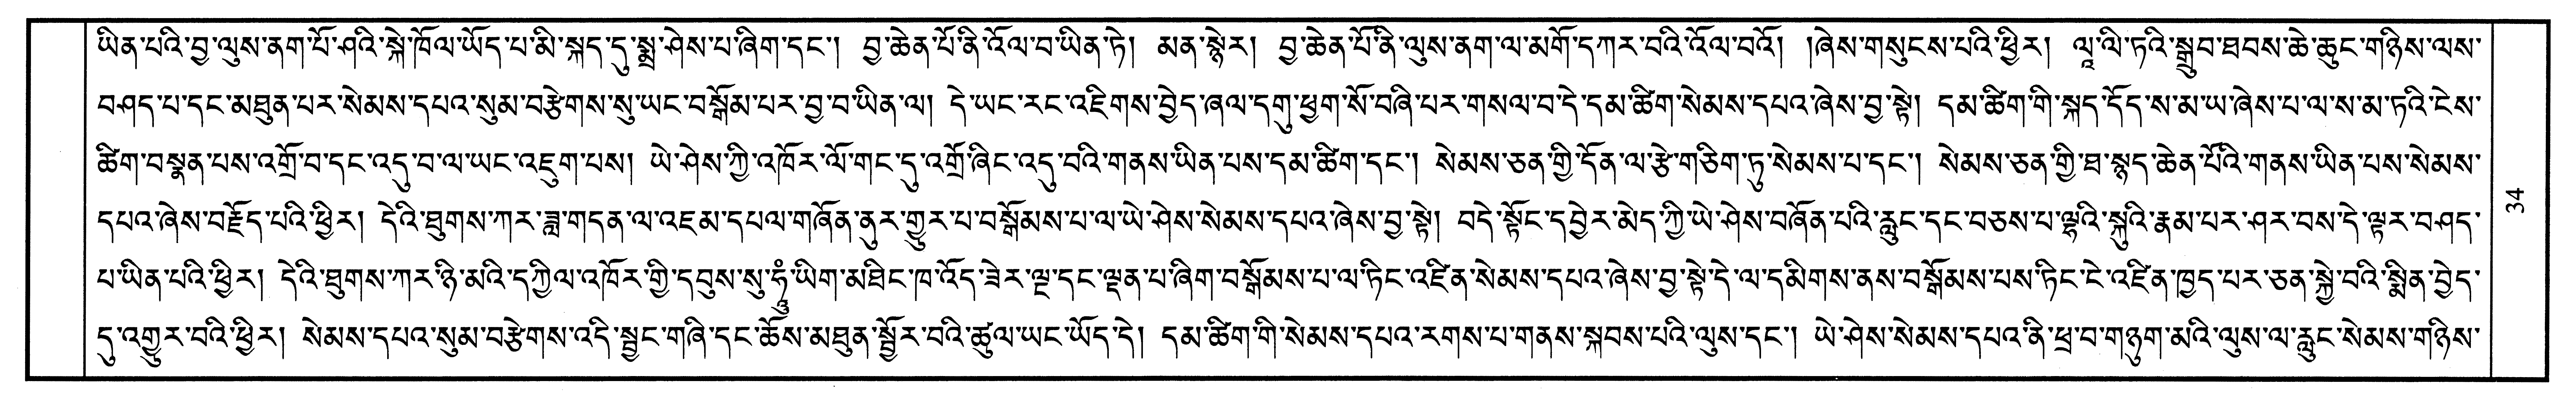ཡིན་པའི་བྱ་ལུས་ནག་པོ་ཤའི་སྐེ་ཁོལ་ཡོད་པ་མི་སྐད་དུ་སྨྲ་ཤེས་པ་ཞིག་དང་། བྱ་ཆེན་པོ་ནི་འོལ་བ་ཡིན་ཏེ། མན་སྙེར། བྱ་ཆེན་པོ་ནི་ལུས་ནག་ལ་མགོ་དཀར་བའི་འོལ་བའོ། །ཞེས་གསུངས་པའི་ཕྱིར། ལཱ་ལི་ཏའི་སྒྲུབ་ཐབས་ཆེ་ཆུང་གཉིས་ལས་
བཤད་པ་དང་མཐུན་པར་སེམས་དཔའ་སུམ་བརྩེགས་སུ་ཡང་བསྒོམ་པར་བྱ་བ་ཡིན་ལ། དེ་ཡང་རང་འཇིགས་བྱེད་ཞལ་དགུ་ཕྱག་སོ་བཞི་པར་གསལ་བ་དེ་དམ་ཚིག་སེམས་དཔའ་ཞེས་བྱ་སྟེ། དམ་ཚིག་གི་སྐད་དོད་ས་མ་ཡ་ཞེས་པ་ལ་ས་མ་ཏའི་ངེས་
ཚིག་བསྣན་པས་འགྲོ་བ་དང་འདུ་བ་ལ་ཡང་འཇུག་པས། ཡེ་ཤེས་ཀྱི་འཁོར་ལོ་གང་དུ་འགྲོ་ཞིང་འདུ་བའི་གནས་ཡིན་པས་དམ་ཚིག་དང་། སེམས་ཅན་གྱི་དོན་ལ་རྩེ་གཅིག་ཏུ་སེམས་པ་དང་། སེམས་ཅན་གྱི་ཐ་སྙད་ཆེན་པོའི་གནས་ཡིན་པས་སེམས་
དཔའ་ཞེས་བརྗོད་པའི་ཕྱིར། དེའི་ཐུགས་ཀར་ཟླ་གདན་ལ་འཇམ་དཔལ་གཞོན་ནུར་གྱུར་པ་བསྒོམས་པ་ལ་ཡེ་ཤེས་སེམས་དཔའ་ཞེས་བྱ་སྟེ། བདེ་སྟོང་དབྱེར་མེད་ཀྱི་ཡེ་ཤེས་བཞོན་པའི་རླུང་དང་བཅས་པ་ལྷའི་སྐུའི་རྣམ་པར་ཤར་བས་དེ་ལྟར་བཤད་
པ་ཡིན་པའི་ཕྱིར། དེའི་ཐུགས་ཀར་ཉི་མའི་དཀྱིལ་འཁོར་གྱི་དབུས་སུ་ཧཱུཾ་ཡིག་མཐིང་ཁ་འོད་ཟེར་ལྔ་དང་ལྡན་པ་ཞིག་བསྒོམས་པ་ལ་ཏིང་འཛིན་སེམས་དཔའ་ཞེས་བྱ་སྟེ་དེ་ལ་དམིགས་ནས་བསྒོམས་པས་ཏིང་ངེ་འཛིན་ཁྱད་པར་ཅན་སྐྱེ་བའི་སྨིན་བྱེད་
དུ་འགྱུར་བའི་ཕྱིར། སེམས་དཔའ་སུམ་བརྩེགས་འདི་སྦྱང་གཞི་དང་ཆོས་མཐུན་སྦྱོར་བའི་ཚུལ་ཡང་ཡོད་དེ། དམ་ཚིག་གི་སེམས་དཔའ་རགས་པ་གནས་སྐབས་པའི་ལུས་དང་། ཡེ་ཤེས་སེམས་དཔའ་ནི་ཕྲ་བ་གཉུག་མའི་ལུས་ལ་རླུང་སེམས་གཉིས་